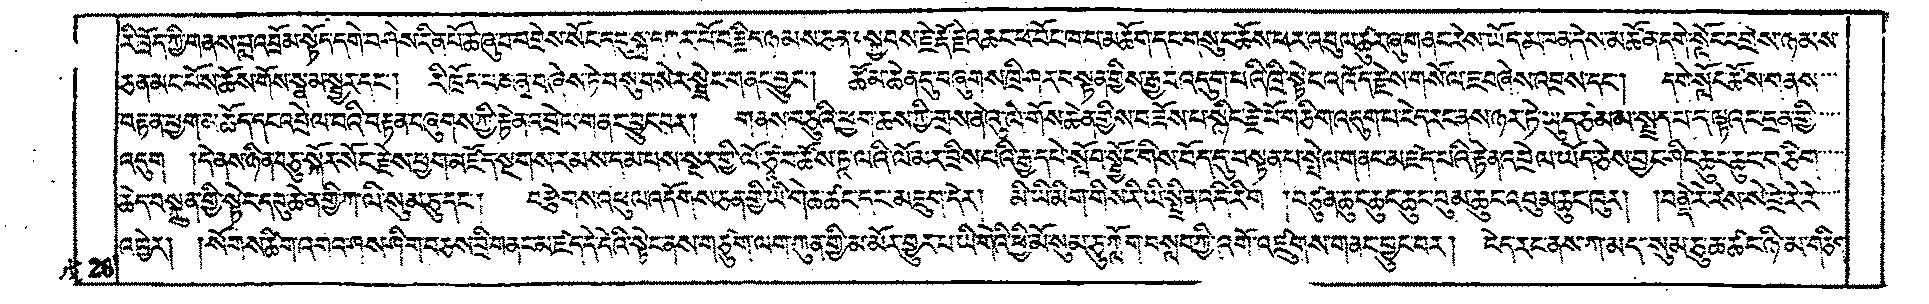རི་ཁྲོད་ཀྱི་གནས་བླ་འབྲོམ་སྟོད་དགེ་བཤེས་རིན་པོ་ཆེ་ཞུ་བ་བགྲེས་སོང་དབུ་སྐྲ་དཀར་པོ་བརྗིད་ཉམས་ཅན་༧་སྐྱབས་རྗེ་རྡོ་རྗེ་འཆང་ཕ་བོང་ཁ་པ་མཆོག་དང་གསུང་ཆོས་ཕར་འབུལ་ཚུར་ཞུ་གནང་རེས་ཡོད་མཁན་དེས་མཚོན་དགེ་སློང་བགྲེས་ཉམས་
ཅན་མང་པོས་ཆོས་གོས་སྣམ་སྦྱར་དང་། རི་ཁྲོད་པཎ་ཞྭ་བཞེས་ཏེ་བསུ་བ་སེར་སྦྲེང་གནང་བྱུང་། ཚོམ་ཆེན་དུ་བཞུགས་ཁྲི་ཤར་བསྟན་གྱིས་རྒྱབ་འདུག་པའི་ཁྲི་སྟེང་འཁོད་རྗེས་གསོལ་ཇ་བཞེས་འབྲས་དང་། དགེ་སློང་ཚོས་གནས་
བརྟན་ཕྱག་མཆོད་དང་འབྲེལ་བའི་བརྟན་བཞུགས་ཀྱི་རྟེན་འབྲེལ་གནང་བྱུང་བར། གནས་བཅུའི་ཕྱག་ཆས་ཀྱི་གྲས་ནེའུ་ལེ་གོས་ཆེན་གྱིས་བཟོས་པ་སྙིང་རྗེ་པོ་གཅིག་འདུག་པ་ངེད་རང་ནས་ཉར་ཏེ་ཡུད་ཙམ་མ་སྤྲད་པ་ད་ལྟའང་དྲན་གྱི་
འདུག །དེ་ནས་ཉིན་བཅུ་སྐོར་སོང་རྗེས་ཕྱག་མཛོད་སྔགས་རམས་དམ་པས་སྔར་གྱི་ལོ་ཙཱ་བ་ཚོས་ཏཱ་ལའི་ལོ་མར་བྲིས་པའི་རྒྱ་དཔེ་སློབ་སྦྱོང་གིས་བོད་དུ་བསྟན་པ་སྤེལ་གནང་མཛད་པའི་རྟེན་འབྲེལ་ཡོད་ཅེས་བྱང་ཤིང་ཆུང་ཆུང་གཅིག་
ཆེད་བསྐྲུན་གྱི་སྟེང་དབུ་ཆེན་གྱི་ཀ་ལི་སུམ་ཅུ་དང་། བརྩེགས་འཕུལ་འདོགས་ཅན་གྱི་ཡི་གེ་ཆ་ཚང་དང་མཇུག་དེར། མི་ཡི་མིག་གིས་རི་ཡི་སྤྲིན་འདི་རིག །བཙུན་ཆུང་ཆུང་ཆུང་བུམ་ཆུང་འབུམ་ཆུང་ཁུར། །བནྡེ་རེ་རེས་སེ་བྲེ་རེ་རེ་
འཁྱེར། །སོགས་ཚིག་འགའ་ཤས་ཤིག་བཅས་བྲི་གནང་མཛད་དེ་དེའི་སྟེང་ནས་གཙུག་ལག་ཀུན་གྱི་མ་མོར་གྱུར་པ་ཡི་གེའི་ཕྱི་མོ་སུམ་ཅུ་ཀློག་བསླབ་ཀྱི་འགོ་འཛུགས་གནང་བྱུང་བར། ངེད་རང་ནས་ཀ་མད་སུམ་ཅུ་ཆ་ཚང་ཉི་མ་གཅིག་